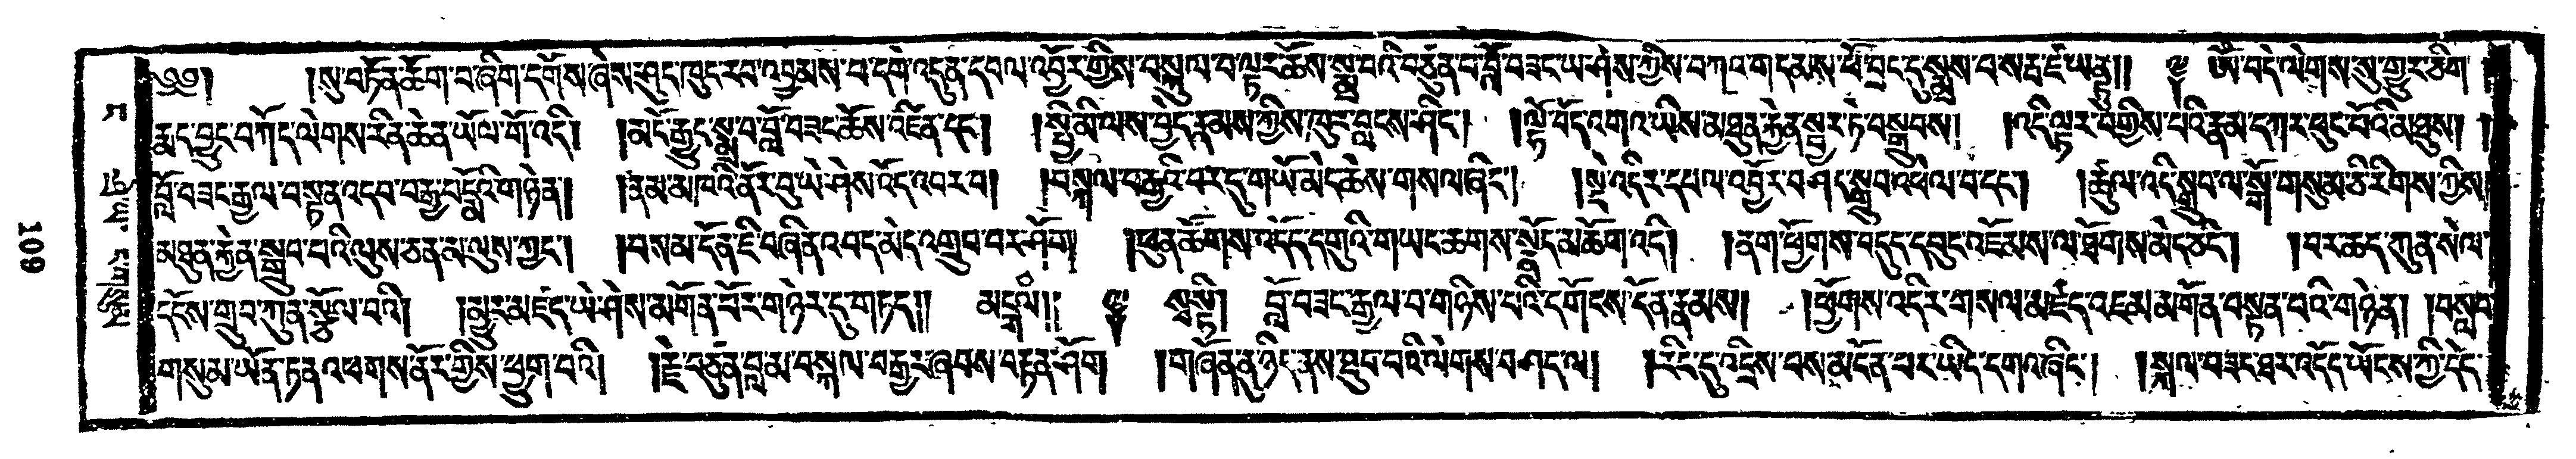༄༅། །སུ་བཏོན་ཆོག་བ་ཞིག་དགོས་ཞེས་ཤུད་ཁུང་རབ་འབྱམས་བ་དགེ་འདུན་དཔལ་འབྱོར་གྱིས་བསྐུལ་བ་ལྟར་ཆོས་སྨྲ་བའི་བཙུན་བ་བློ་བཟང་ཡེ་ཤེས་ཀྱིས་བཀའ་གདམས་ཕོ་བྲང་དུ་སྨྲས་པ་སརྦ་ཛ་ཡནྟུ།། ༈ ཨོཾ་བདེ་ལེགས་སུ་གྱུར་ཅིག།
རྨད་བྱུང་བཀོད་ལེགས་རིན་ཆེན་ཡོལ་གོ་འདི། །མདོ་རྒྱུད་སྨྲ་བ་བློ་བཟང་ཆོས་འཛིན་དང་། །སྤྱི་མི་ལས་བྱེད་རྣམས་ཀྱིས་ཁུར་བླངས་ཤིང་། །ལྷོ་བོད་འགའ་ཡིས་མཐུན་རྐྱེན་སྦྱར་ཏེ་བསྒྲུབས། །འདི་ལྟར་བགྱིས་པའི་རྣམ་དཀར་ཕུང་པོའི་མཐུས། །
བློ་བཟང་རྒྱལ་བསྟན་འདབ་བརྒྱ་པདམོའི་གཉེན། །ནམ་མཁའི་ནོར་བུ་ཡེ་ཤེས་འོད་འབར་བ། །བསྐལ་བརྒྱའི་བར་དུ་གཡོ་མེད་ཆེས་གསལ་ཞིང་། །སྡེ་འདིར་དཔལ་འབྱོར་བཤད་སྒྲུབ་འཕེལ་བ་དང་། །ཚུལ་འདི་སྒྲུབ་ལ་སྒོ་གསུམ་ཅི་རིགས་ཀྱིས།
མཐུན་རྐྱེན་སྒྲུབ་པའི་ལུས་ཅན་མ་ལུས་ཀྱང་། །བསམ་དོན་ཇི་བཞིན་འབད་མེད་འགྲུབ་བར་ཤོག །ཕུན་ཚོགས་འདོད་དགུའི་གཡང་ཆགས་སྣོད་མཆོག་འདི། །ནག་ཕྱོགས་བདུད་དབུང་འཇོམས་ལ་ཐོགས་མེད་ཅིང་། །བར་ཆད་ཀུན་སེལ་
དངོས་གྲུབ་ཀུན་སྩོལ་བའི། །མྱུར་མཛད་ཡེ་ཤེས་མགོན་པོར་གཉེར་དུ་གཏད།། མངྒལཾ།། ༈ སྭསྟི། བློ་བཟང་རྒྱལ་བ་གཉིས་པའི་དགོངས་དོན་རྣམས། །ཕྱོགས་འདིར་གསལ་མཛད་འཇམ་མགོན་བསྟན་བའི་གཉེན། །བསླབ་
གསུམ་ཡོན་ཏན་འཕགས་ནོར་གྱིས་ཕྱུག་བའི། །རྗེ་བཙུན་བླ་མ་བསྐལ་བརྒྱར་ཞབས་བརྟན་ཤོག །གཞོན་ནུ་ཉིད་ནས་ཐུབ་བའི་ལེགས་བཤད་ལ། །རིང་དུ་འདྲིས་བས་མངོན་པར་ཡིད་དགའ་ཞིང་། །སྐལ་བཟང་ཐར་འདོད་ཡོངས་ཀྱི་དེད་